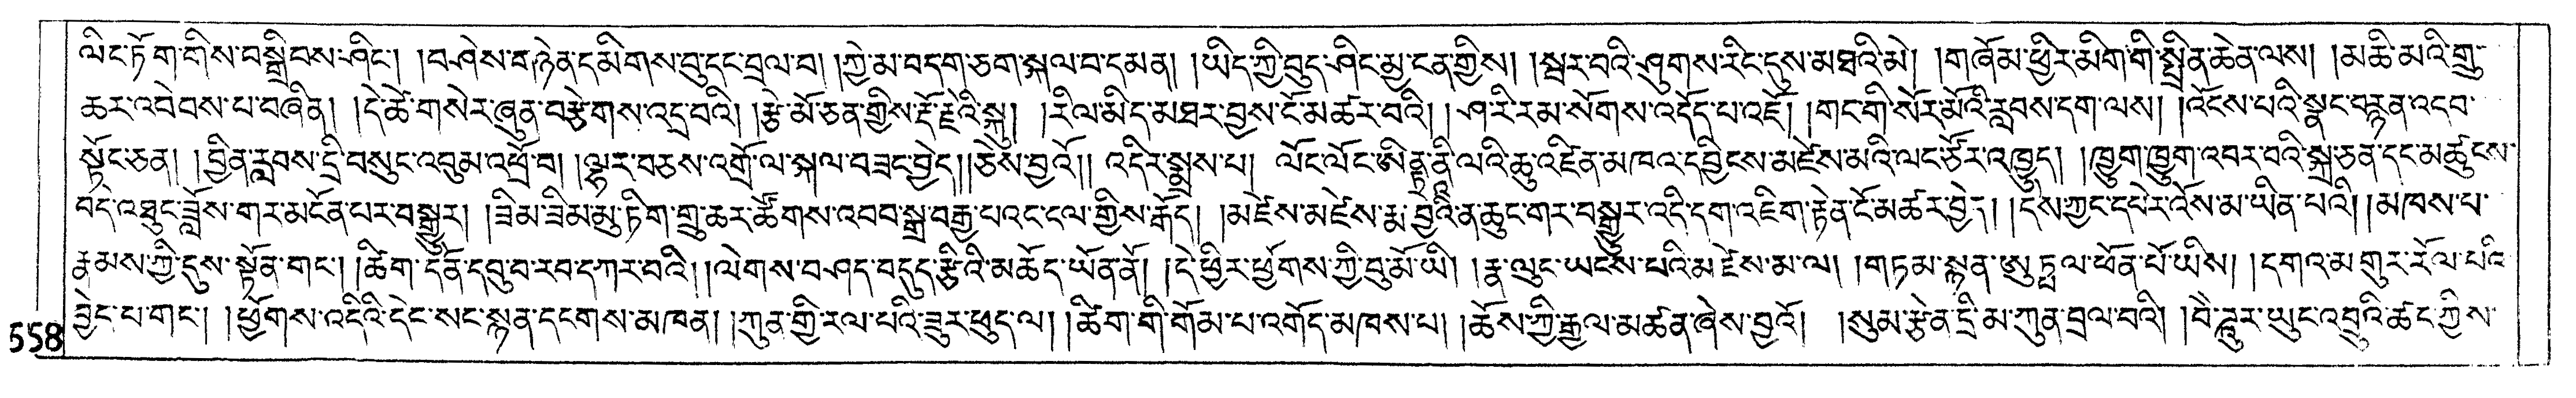ལིང་ཏོག་གིས་བསྒྲིབས་ཤིང་། །བཤེས་གཉེན་དམིགས་བུ་དང་བྲལ་བ། །ཀྱེ་མ་བདག་ཅག་སྐལ་བ་དམན། །ཡིད་ཀྱི་བུད་ཤིང་མྱ་ངན་གྱིས། །སྦར་བའི་ཤུགས་རིང་དུས་མཐའི་མེ། །གཞོམ་ཕྱིར་མིག་གི་སྤྲིན་ཆེན་ལས། །མཆི་མའི་གྲུ་
ཆར་འབེབས་པ་བཞིན། །དེ་ཚེ་གསེར་ཞུན་བརྩེགས་འདྲ་བའི། །རྩེ་མོ་ཅན་གྱིས་རྡོ་རྗེའི་སྐུ། །རིལ་མིད་མཐར་བྱས་ངོ་མཚར་བའི། །ཤ་རི་རམ་སོགས་འདོད་པ་འཇོ། །གང་གི་སོར་མོའི་རླབས་དག་ལས། །འོངས་པའི་སྣང་བརྙན་འདབ་
སྟོང་ཅན། །བྱིན་རླབས་དྲི་བསུང་འབུམ་འཕྲོ་བ། །ལྷར་བཅས་འགྲོ་ལ་སྐལ་བཟང་བྱེད། །ཅེས་བྱའོ། །འདིར་སྨྲས་པ། ལོང་ལོང་ཨིནྟྲ་ནཱི་ལའི་ཆུ་འཛིན་མཁའ་དབྱིངས་མཛེས་མའི་ལང་ཙོར་འཁྱུད། །ཁྱུག་ཁྱུག་འབར་བའི་སྐྲ་ཅན་དང་མཚུངས་
བདེ་འཐུང་ཟློས་གར་མངོན་པར་བསྒྱུར། །ཟིམ་ཟིམ་མུ་ཏིག་གྲུ་ཆར་ཚོགས་འབབ་སྒྲ་བརྒྱ་པའང་དལ་གྱིས་རྒོད། །མཛེས་མཛེས་རྨ་བྱེའི་ན་ཆུང་གར་བསྒྱུར་འདི་དག་འཇིག་རྟེན་ངོ་མཚར་བྱེད། །དེས་ཀྱང་དཔེར་འོས་མ་ཡིན་པའི། །མཁས་པ་
རྣམས་ཀྱི་དུས་སྟོན་གང་། །ཚིག་དོན་དབུ་བ་རབ་དཀར་བའི། །ལེགས་བཤད་བདུད་རྩིའི་མཆོད་ཡོན་ནོ། །དེ་ཕྱིར་ཕྱོགས་ཀྱི་བུ་མོ་ཡི། །རྣ་ལུང་ཡངས་པའི་མཛེས་མ་ལ། །གཏམ་སྙན་ཨུཏྤལ་ཕོན་པོ་ཡིས། །དགའ་མགུར་རོལ་པའི་
བྱེད་པ་གང་། །ཕྱོགས་འདིའི་དེང་སང་སྙན་དངགས་མཁན། །ཀུན་གྱི་རལ་པའི་ཟུར་ཕུད་ལ། །ཚིག་གི་གོམ་པ་འགོད་མཁས་པ། །ཆོས་ཀྱི་རྒྱལ་མཚན་ཞེས་བྱའོ། །སུམ་རྩེན་དྲི་མ་ཀུན་བྲལ་བའི། །བཻ་ཌཱུར་ཡུང་འབྲུའི་ཚད་ཀྱིས་